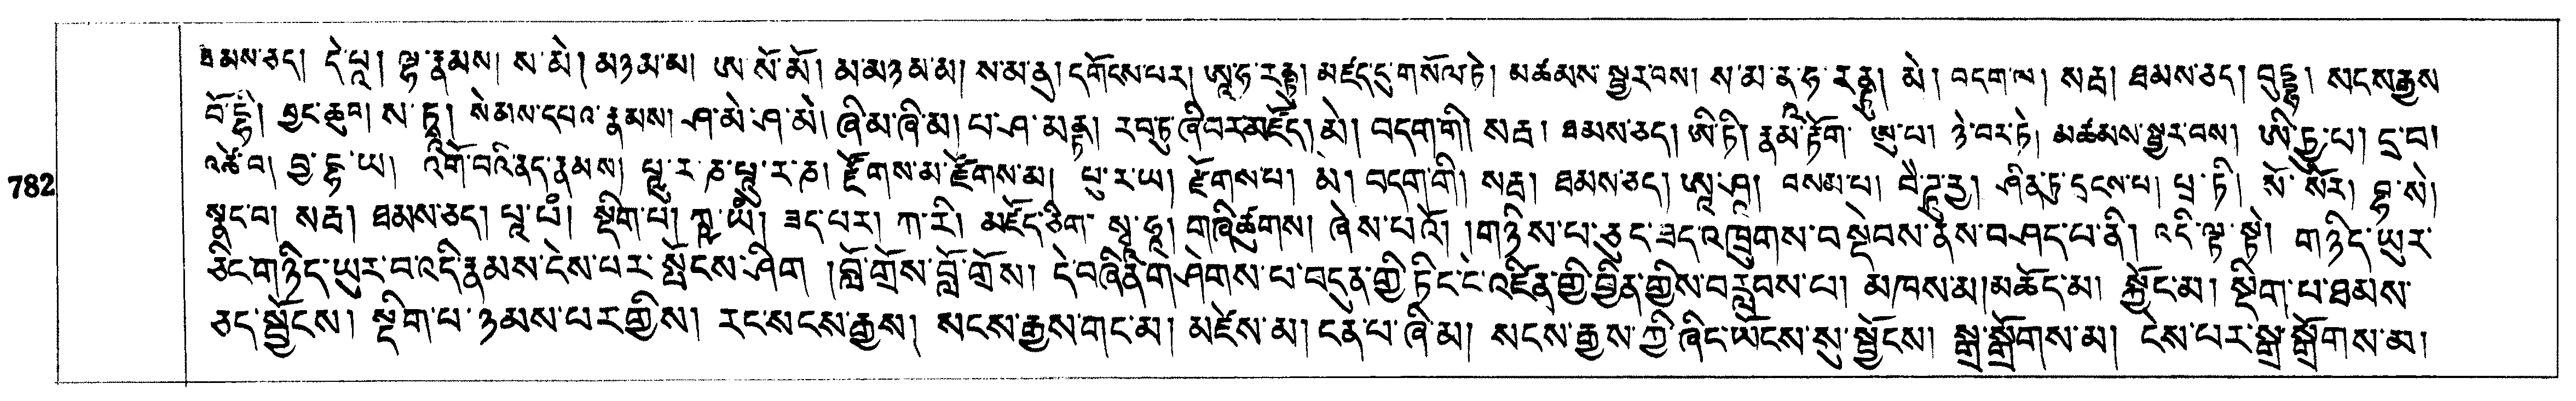ཐམས་ཅད། དེ་པཱ། ལྷ་རྣམས། ས་མེ། མཉམ་མ། ཨ་སོ་མོ། མ་མཉམ་མ། ས་མ་ནུ། དགོངས་པར། ཨཱ་ཧ་རནྟུ། མཛད་དུ་གསོལ་ཏེ། མཚམས་སྦྱར་བས། ས་མ་ནཱ་ཧ་རནྟུ། མེ། བདག་ལ། སརྦ། ཐམས་ཅད། བུདྡྷ། སངས་རྒྱས་
བོ་དྷི། བྱང་ཆུབ། ས་ཏྭཱ། སེམས་དཔའ་རྣམས། ཤ་མེ་ཤ་མེ། ཞི་མ་ཞི་མ། པ་ཤ་མནྟ། རབ་ཏུ་ཞི་བར་མཛོད། མེ། བདག་གི །སརྦ། ཐམས་ཅད། ཨི་ཏི། རྣམ་རྟོག་ཨུ་པ། ཉེ་བར་ཏེ། མཚམས་སྦྱར་བས། ཨི་ཏྱུ་པ། དྲ་བ།
འཚེ་བ། བྱ་དྷ་ཡ། འགོ་བའི་ནད་རྣམས། པཱུ་ར་ཎ། རྫོགས་མ་རྫོགས་མ། པུ་ར་ཡ། རྫོགས་པ། མེ། བདག་གི། སརྦ། ཐམས་ཅད། ཨཱ་ཤཱ། བསམ་པ། བཻ་ཌཱུ་རྱ། ཤིན་ཏུ་དྲངས་པ། པྲ་ཏི། སོ་སོར། བྷ་སེ།
སྣང་བ། སརྦ། ཐམས་ཅད། པཱ་པཾ། སྡིག་པ། ཀྵ་ཡཾ། ཟད་པར། ཀ་རི། མཛོད་ཅིག་སྭཱ་ཧཱ། གཞི་ཚུགས། ཞེས་པའོ། །གཉིས་པ་ཅུང་ཟད་འཁྲུགས་བསྡེབས་ནས་བཤད་པ་ནི། འདི་ལྟ་སྟེ། གཉིད་ཡུར་
ཅིང་གཉིད་ཡུར་བ་འདི་རྣམས་ངེས་པར་སྤོངས་ཤིག །བློ་གྲོས་བློ་གྲོས། དེ་བཞིན་གཤེགས་པ་བདུན་གྱི་ཏིང་ངེ་འཛིན་གྱི་བྱིན་གྱིས་བརླབས་པ། མཁས་མ། མཆོད་མ། སྐྱོང་མ། སྡིག་པ་ཐམས་
ཅད་སྦྱོངས། སྡིག་པ་ཉམས་པར་གྱིས། རང་སངས་རྒྱས། སངས་རྒྱས་གང་མ། མཛེས་མ། ངན་པ་ཞི་མ། སངས་རྒྱས་ཀྱི་ཞིང་ཡོངས་སུ་སྦྱོངས། སྒྲ་སྒྲོགས་མ། ངེས་པར་སྒྲ་སྒྲོགས་མ།